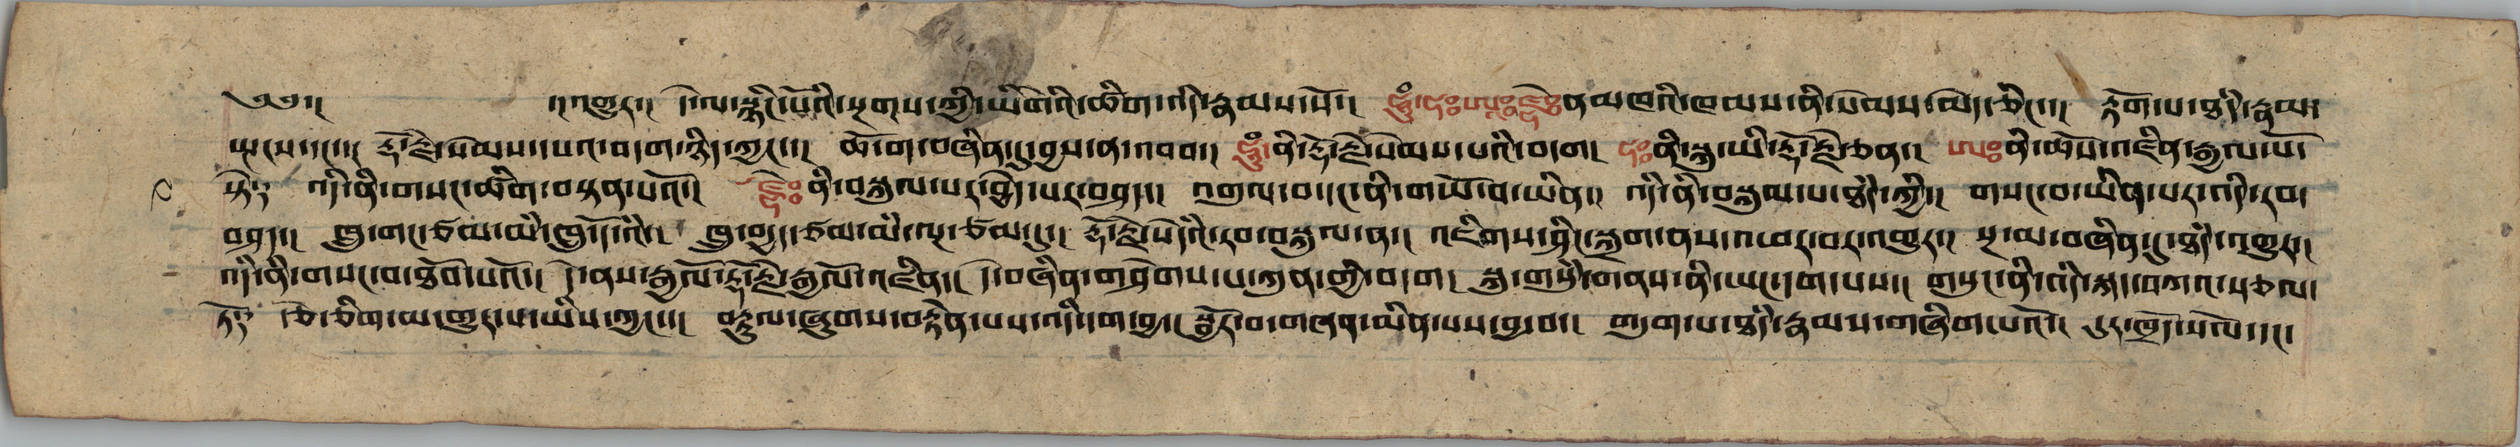༄༅་། ་། འགྱུར་། དེ་ལ་སྙིང་པོའི་སྔགས་ཀྱི་ཡིགེའི་ཚིག་འདི་རྣམས་སོ་། ཧཱུཾ་ཧཿཨཱཿཛྷེཿནམཁའི་ཁམས་ནི་སེམས་མེད་ཅིང་་། རྟོག་པ་ཐཾད་རྣམ་
སྤངས་དང་་། རྡོ་རྗེ་སེམས་དཔའ་བདག་ཉིད་ཀྱང་་། ཆོ་ག་བཞིན་དུ་བྱས་ན་འབབ་། ཧཱུཾ་ནི་རྡོ་རྗེ་སེམས་པའི་བདག། ཧཿནི་སྐུ་ཡི་རྡོ་རྗེ་ཅན་། ཨཿནི་ཆོས་འཛིན་རྒྱལ་པོ་
སྟེ༑ འདི་ནི་གསང་ཚིག་བསྟན་པའོ་། ཛྷེཿནི་བསྐུལ་པར་བྱེད་པར་བཤད་། འགུལ་བ་དང་ནི་གཡོ་བ་ཡིན་། འདི་ནི་བསྐུལ་པ་ཐཾད་ཀྱི་། གསང་བ་ཡིན་པར་འདི་རབ་
བཤད་། ཁྲུ་གང་ཙམ་མི་ཁྲུ་དོ་འཾ་། ཁྲུ་བདྱད་ཙམ་མི་ལྔ་ཙམ་དུ་། རྡོ་རྗེ་སེདའཾ་རབ་བསྐུལ་ན་། འཇིགས་ཤིང་སྐྲག་ནས་འཕར་བར་འགྱུར་། སྔ་མ་བཞིན་དུ་ཐཾད་འགྱུར་།
འདི་ནི་གསང་བ་ཐོབ་པའོ་། དེ་ནས་རྒྱལོ་རྡོ་རྗེ་རྒྱལོ་འཛིན་། དེ་བཞིན་གཤེགས་པ་ཀུན་གྱི་བདག། སྐུ་གསུཾ་གནས་ནི་ཡང་དག་པས་། གསུང་ནི་འདི་སྐད་བཀའ་སྩལ་
ཏོ༑ རྩེ་ཅིག་མ་གྱུར་པ་ཡིས་ཀྱང་་། བརྟུལ་ཞུགས་བརྟེན་པས་འདི་དག་བྱ་། སྦྱོར་བ་གཞན་མིན་པས་བྱ་བ་། གདུག་པ་ཐཾད་རྣམས་གཞིག་པའོ་། དུར་ཁྲོད་སོལ་དང་